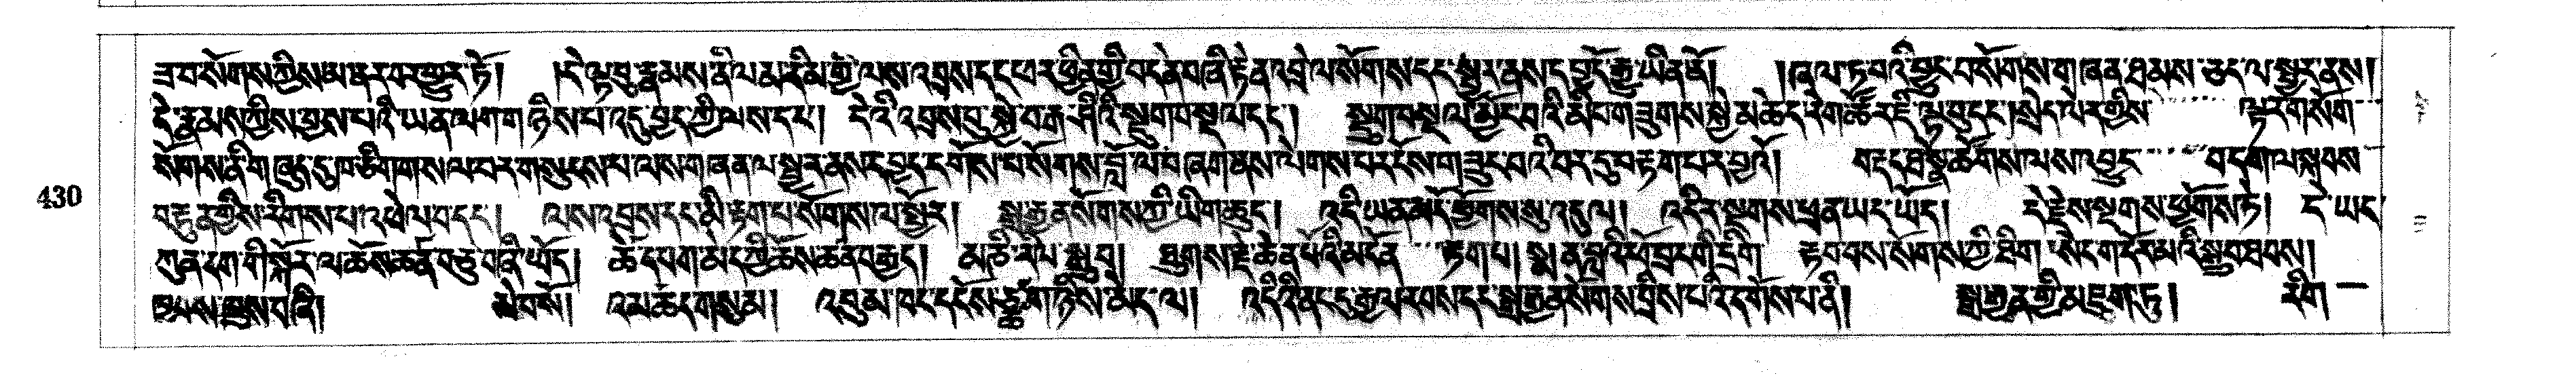ཟ་བ་སོགས་ཀྱིས་མ་ནར་བར་གྱུར་ཏོ། །དེ་ལྟ་བུ་རྣམས་ནི་ལམ་རིམ་གྱི་ལས་འབྲས་དང་ཕར་ཕྱིན་གྱི་བདེན་བཞི་རྟེན་འབྲེལ་སོགས་དང་སྦྱར་ནས་དབྱོད་རྒྱུ་ཡིན་ནོ། །ཞལ་ཏ་བའི་བྱུང་བ་སོགས་གཞན་ཐམས་ཅད་ལ་སྦྱར་ནས།
དེ་རྣམས་ཀྱིས་བྱས་པའི་ཡན་ལག་གཉིས་པ་འདུ་བྱད་ཀྱི་ལས་དང་། དེའི་འབྲས་བུ་སྐྱེ་བ་རྒ་ཤིའི་སྡུག་བསྔལ་དང་། སྡུག་བསྔལ་མྱོང་བའི་མིང་གཟུགས་སྐྱེ་མཆེད་རེག་ཚོར་ཇི་ལྟ་བུ་དང་། སྲེད་ལེར་གྱིས་ལྟར་གསོག་
སོགས་ནི་གཞུད་དུ་ཁ་ཅིག་གསལ་བར་གསུངས་པ་ལས་གཞན་ལ་སྦྱར་ནས་དབྱད་དགོས་པ་སོགས་བློ་ལ་བཞག་ནས་ལེགས་པར་ངོས་གཟུང་བའི་བར་དུ་བརྟག་པར་བྱའོ། བརྡད་ཐེ་སྣ་ཚོགས་ལས་འབྱུང་བདག་ལ་སྐབས་
བརྟུན་གྱིས་རིགས་པ་འཕེལ་བ་དང་། ལས་འབྲས་དང་མི་རྟག་པ་སོགས་ལ་སྤྱོར། སྒྲ་རྒྱན་སོགས་ཀྱི་ཡིག་ཆུང་། འདི་ཡན་མདོ་ཕྱོགས་སུ་འདུལ། འདིར་སྔགས་ཕྲན་ཡང་ཡོད། དེ་རྗེས་སྔགས་ཕྱོགས་ཏེ། དེ་ཡང་
ཀུན་དག་གི་སྐོར་ལ་ཆོས་ཚན་བཅུ་བཞི་ཡོད། ཚེ་དཔག་མེད་ཀྱི་ཆོས་ཚན་བརྒྱད། མ་ཎི་རིལ་སྒྲུབ། ཐུགས་རྗེ་ཆེན་པོའི་མངོན་རྟག་པ། སྨན་བླའི་ཕོ་བྲང་གི་དྲིག་རྟབ་བས་སོགས་ཀྱི་ཐིག་སེང་གདོང་མའི་སྒྲུབ་ཐབས།
ཁྱབས་ཁྲུས་བཞི། མེ་བསོ། འམ་ཚད་གསུམ། འབུམ་ཁང་དངོས་ཙཚ་གཉིས་མེད་ལ། འདིའི་ནང་དུ་རྒྱལ་རབས་དང་སྒྲ་རྒྱན་སོགས་བྲིས་པའི་དགོས་པ་ནི། སྒྲ་རྒྱན་གྱི་མཇུག་ཏུ། རིག་